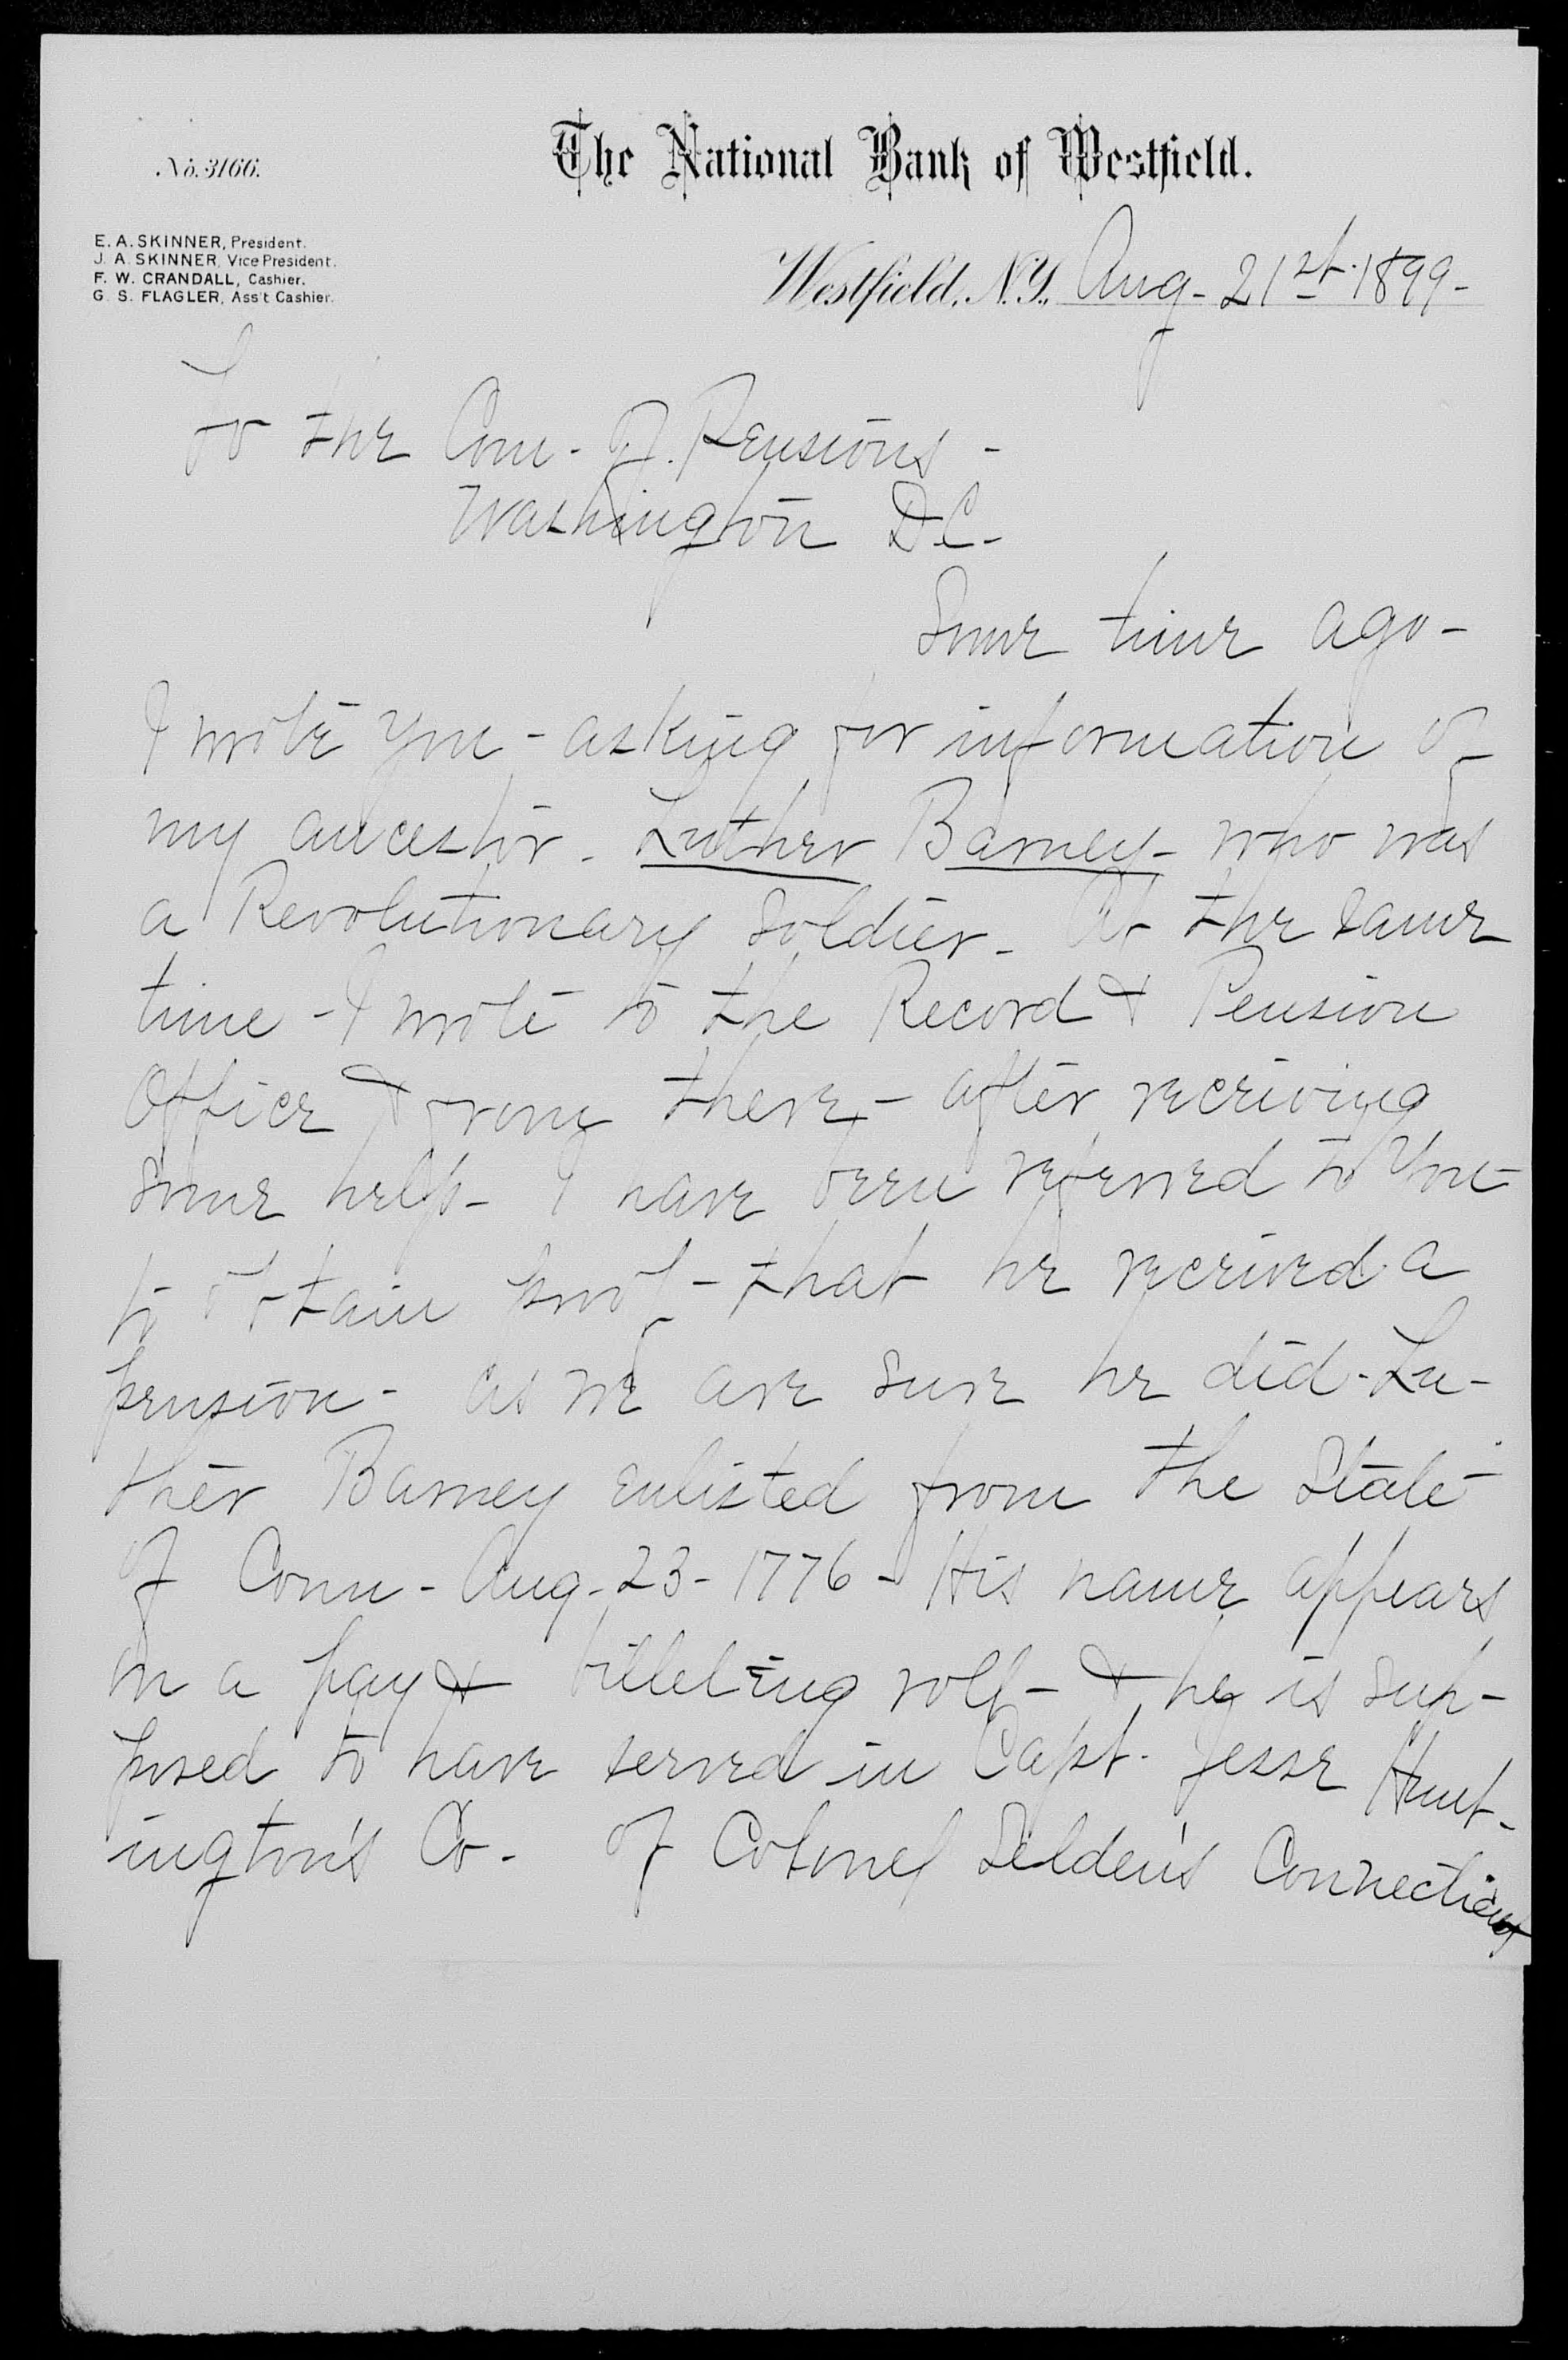[Printed letterhead]
No. 3166. The National Bank of Westfield.
E. A. SKINNER, President.
J. A. SKINNER, Vice President.
F. W. CRANDALL, Cashier.
G. S. FLAGLER, Ass't Cashier.
Westfield, N.Y. Aug. 21st 1899.

To the Com. of Pensions
Washington D.C.

Some time ago - I wrote you - asking for information of my ancestor, Luther Barney [underlined], who was a Revolutionary Soldier. At the same time I wrote to the Record & Pension Office. From there - after receiving some help - I have been referred to you to obtain proof that he received a
pension, as we are sure he did. Luther 
Barney enlisted from the State of Conn. Aug. 23, 1776. His name appears on a pay & billeting roll & he is supposed to have served in Capt. Jesse Huntington's Co. of Colonel Selden's Connecticut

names: Luther Barney, J A Skinner, Luther Barney, F W Crandall, G S Flagler, E A Skinner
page: 54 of 61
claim: widow's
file: W. 4.124, Luther Barney, Conn. Privateer.